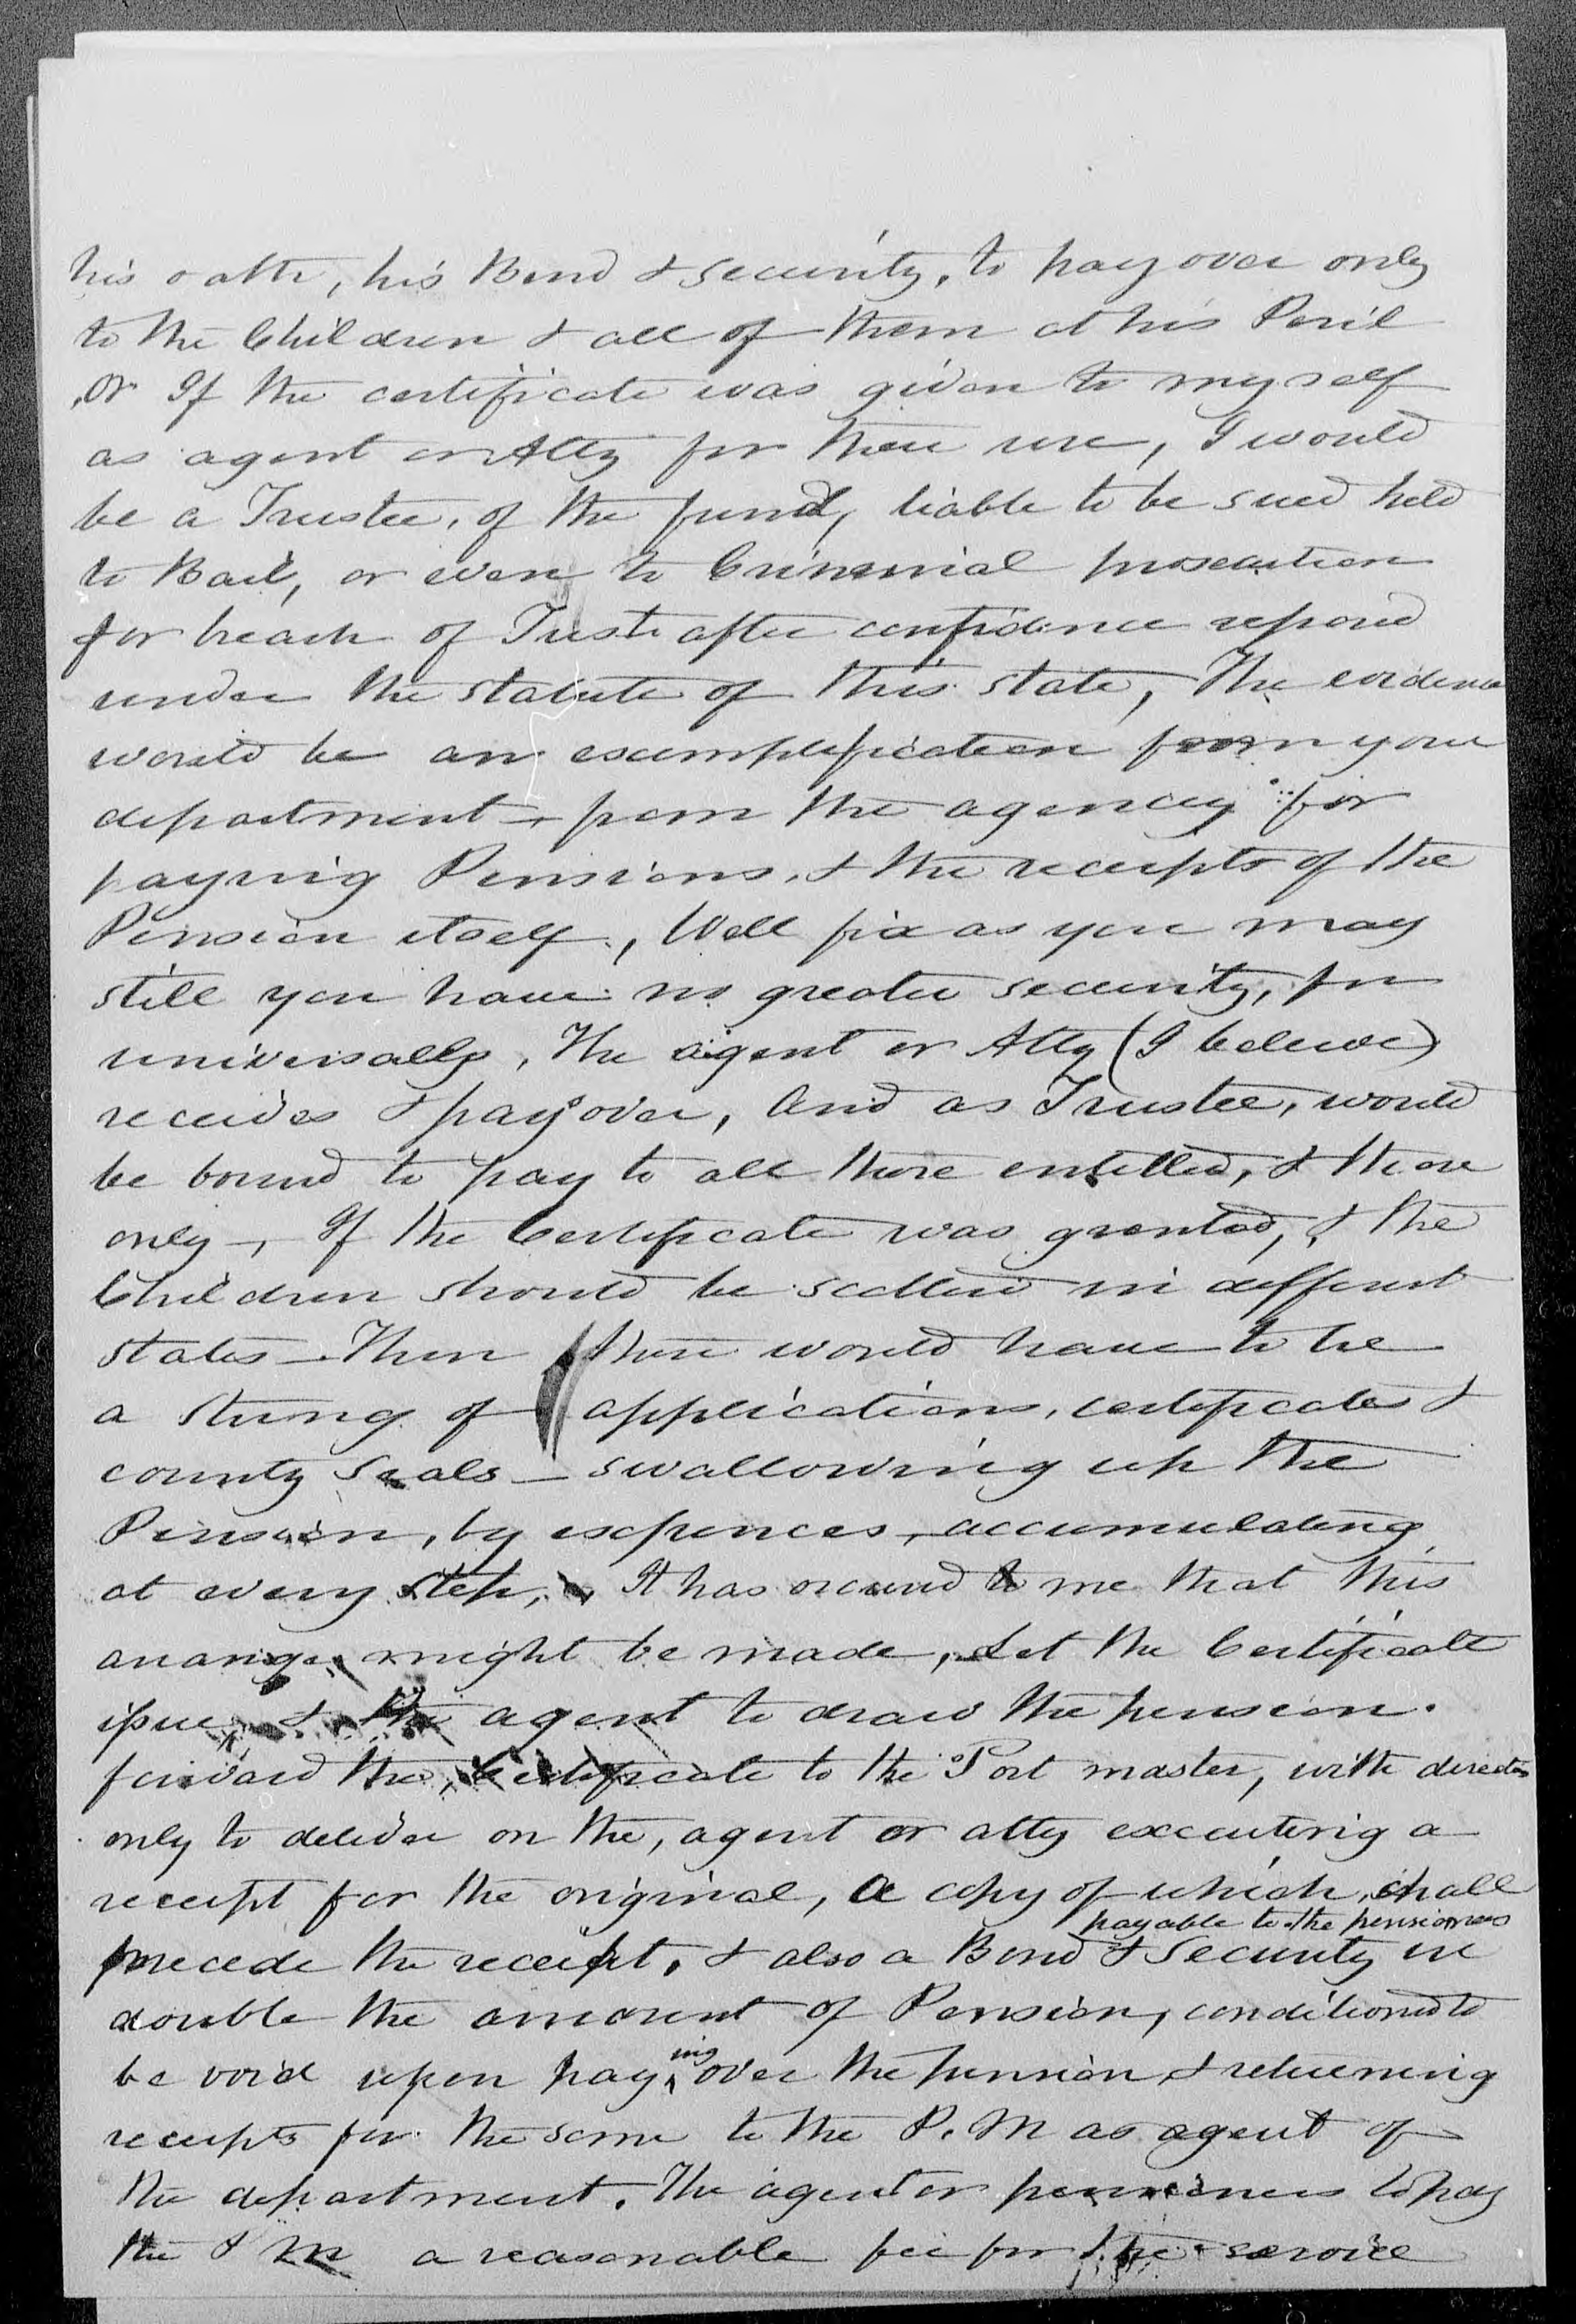his oath, his Bond & security, to pay over only to the children & all of them at his peril or of the certificate was given to myself as agent only for the use, I would be a Trustee, of the fund, liable to be sued held to Bail, or even to criminal prosecution for breach of Trust confidence reposed
under the statute of this state, The evidence would be an exemplification from your department from the agency for paying Pensions, & the receipts of the Pension itself. Well fix as you may still you have no greater security, for universally, The agent or Atty (I believe) receives & pay over, and as Trustee, would be bound to pay to all those entitled, & those
only, if the Certificate was granted, & the Children should be called in different States. Then these would have to be a string of applications, certificates & County Seals swallowing up the Pension, by expenses, accumulating at every step. It has occurred to me that this
arranger might be made, Let the certificate issue the agent to draw the pension, forward the Certificate to the Postmaster, with directions only to deliver to the agent or atty executing a receipt for the original, a copy of which shall precede the receipt & also a Bond double the amount of Pension, conditioned to be void upon pay over of the pension, & returning
receipts for the same to the P.M as agent of the department. The agent or persons to pay them a reasonable fee for the service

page: 63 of 73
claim: widow's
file: W. 5,894, John Cash, Va.